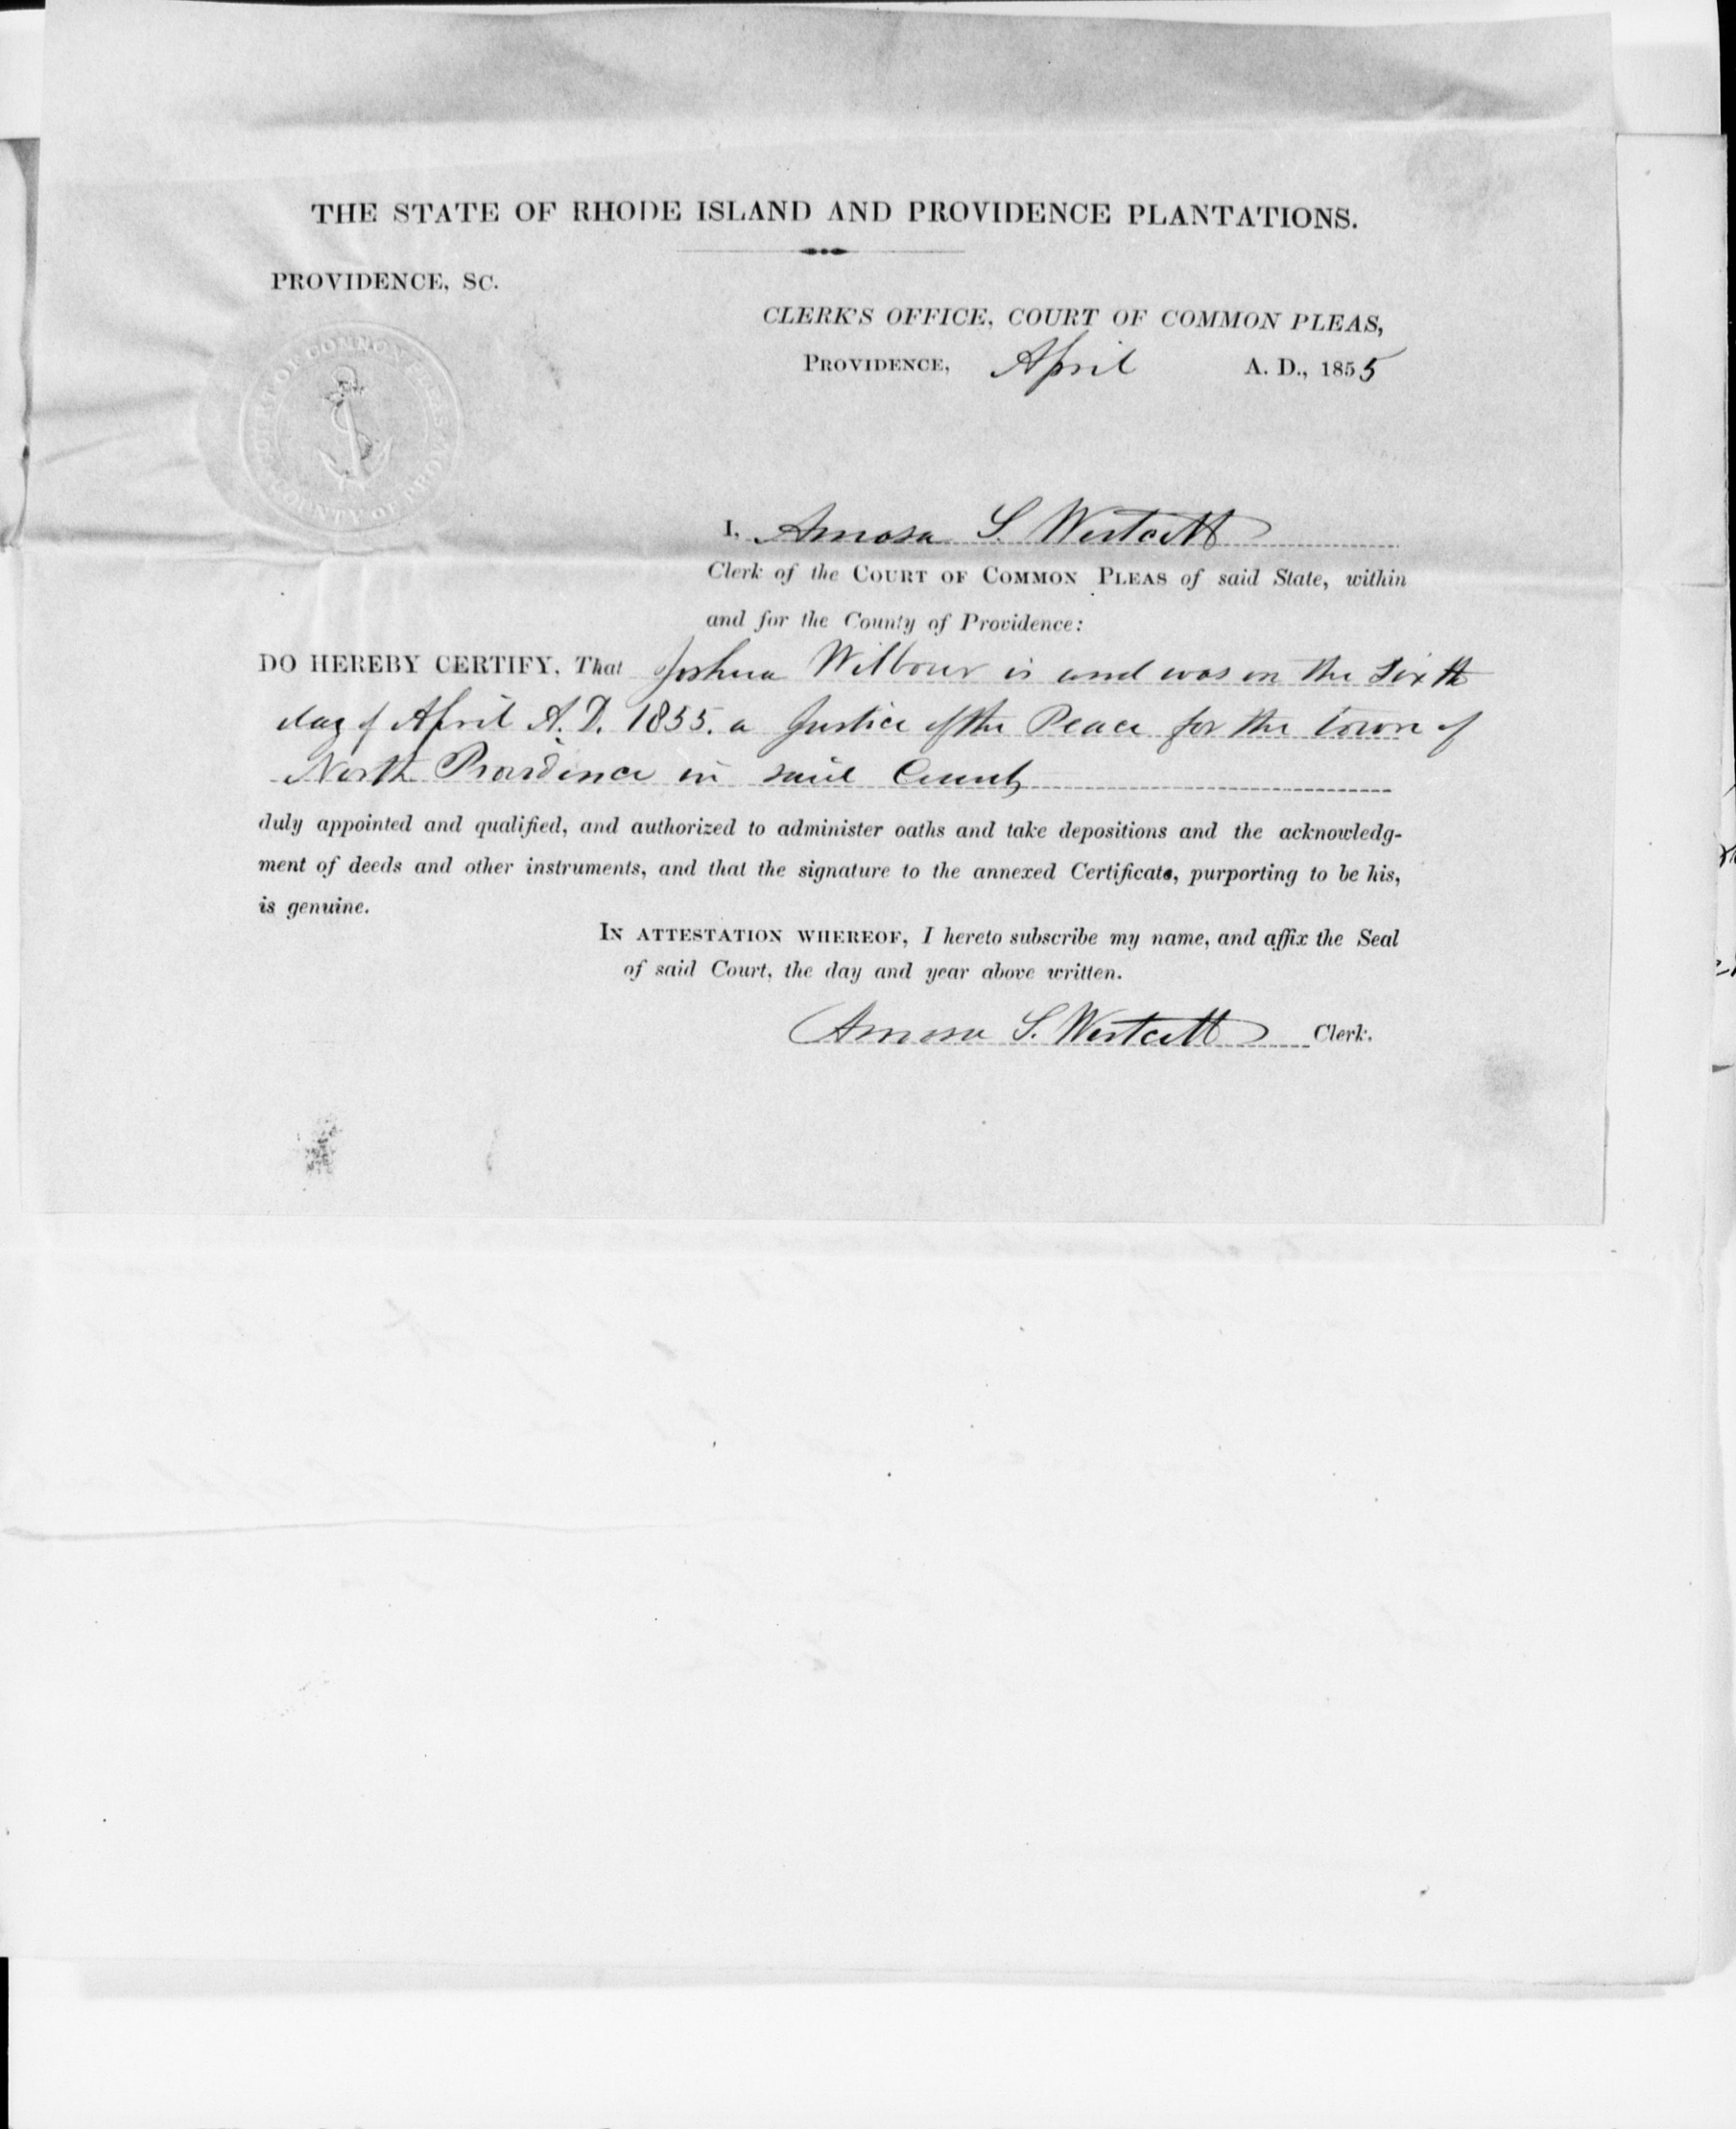April A.D., 1855

I, Amasa S. Westcott

...Joshua Wilbour is and was on the Sixth of April A.D. 1855. a Justice of the Peace for the town of North Providence in said County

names: Amasa S Westcott, Joshua Wilbour, Amasa S Westcott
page: 19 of 29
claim: widow's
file: W. 2582, Caleb Arnold, R.I.